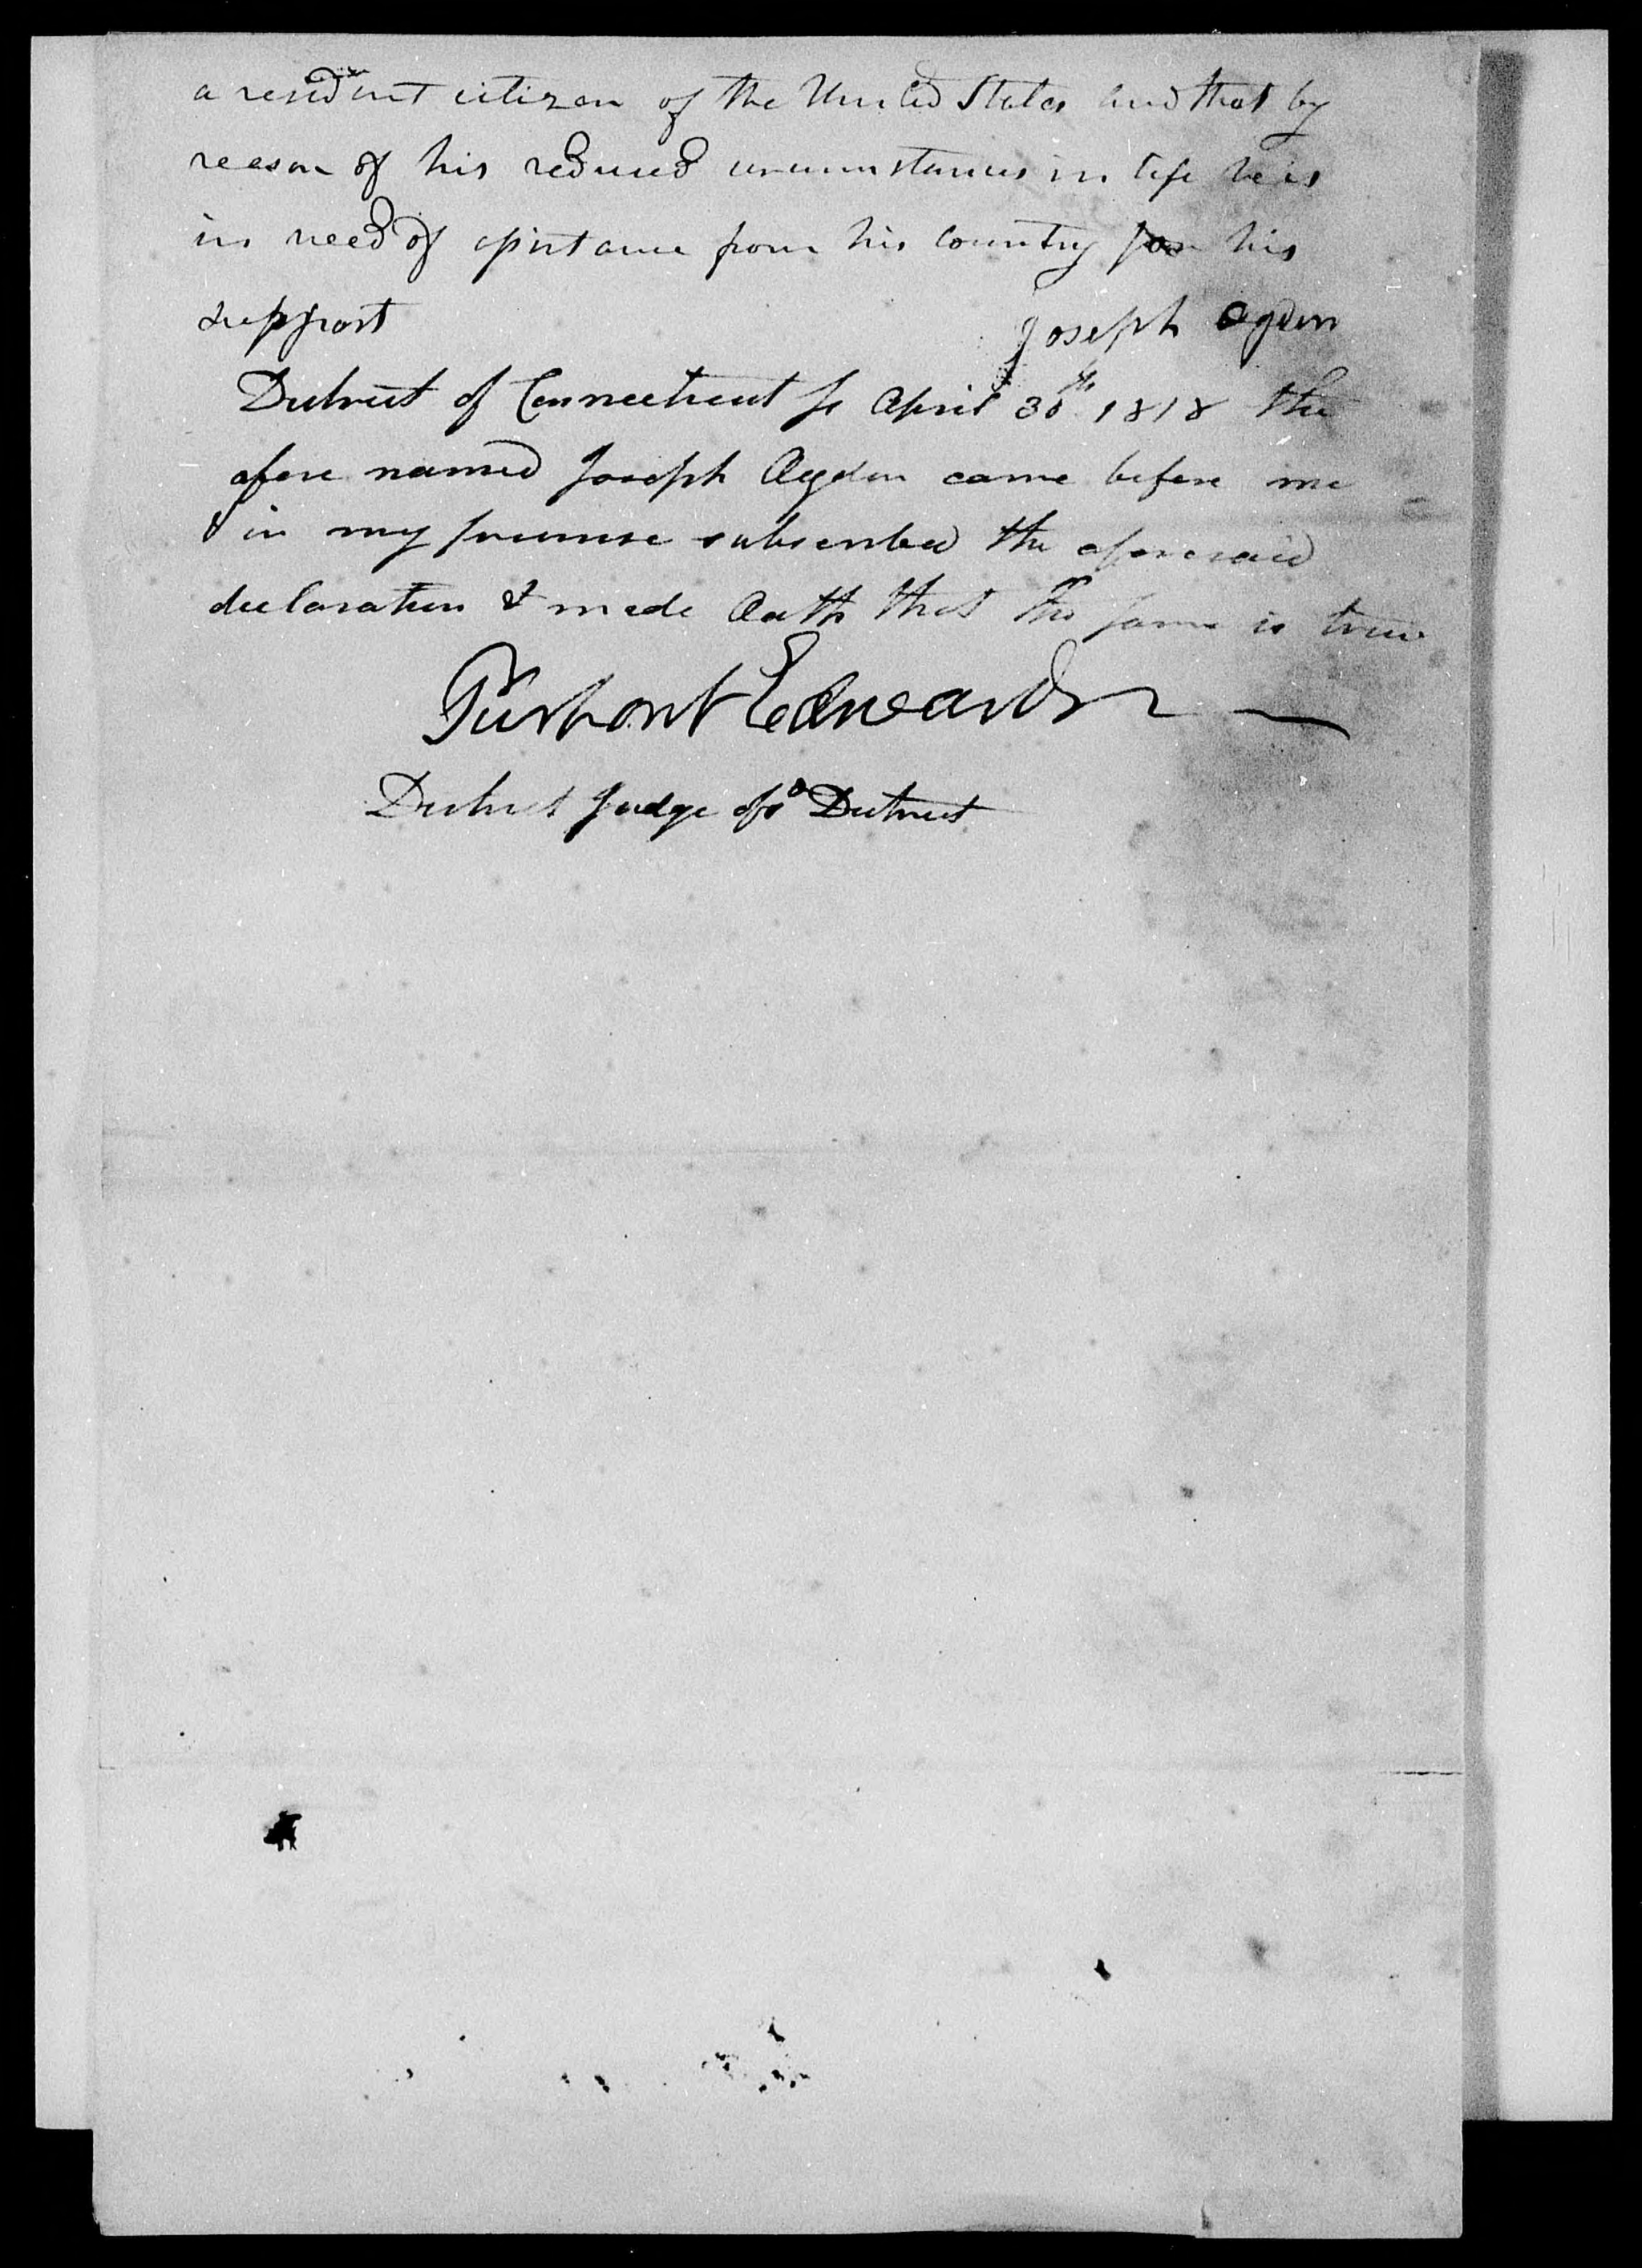a resident citizen of the United States and that by
reason of his reduced circumstances in life is
in need of assistance from his country for his
support Joseph Ogden
District of Connecticut ss April 30th 1818 the
afore named Joseph Ogden came before me
in my presence subscribed the aforesaid
declaration & made oath that the same is true
Pierpont Edwards
District Judge of District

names: Pierpont Edwards; Joseph Ogden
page: 10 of 15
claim: survivor's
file: S. 38,277, for Joseph Ogden, Connecticut